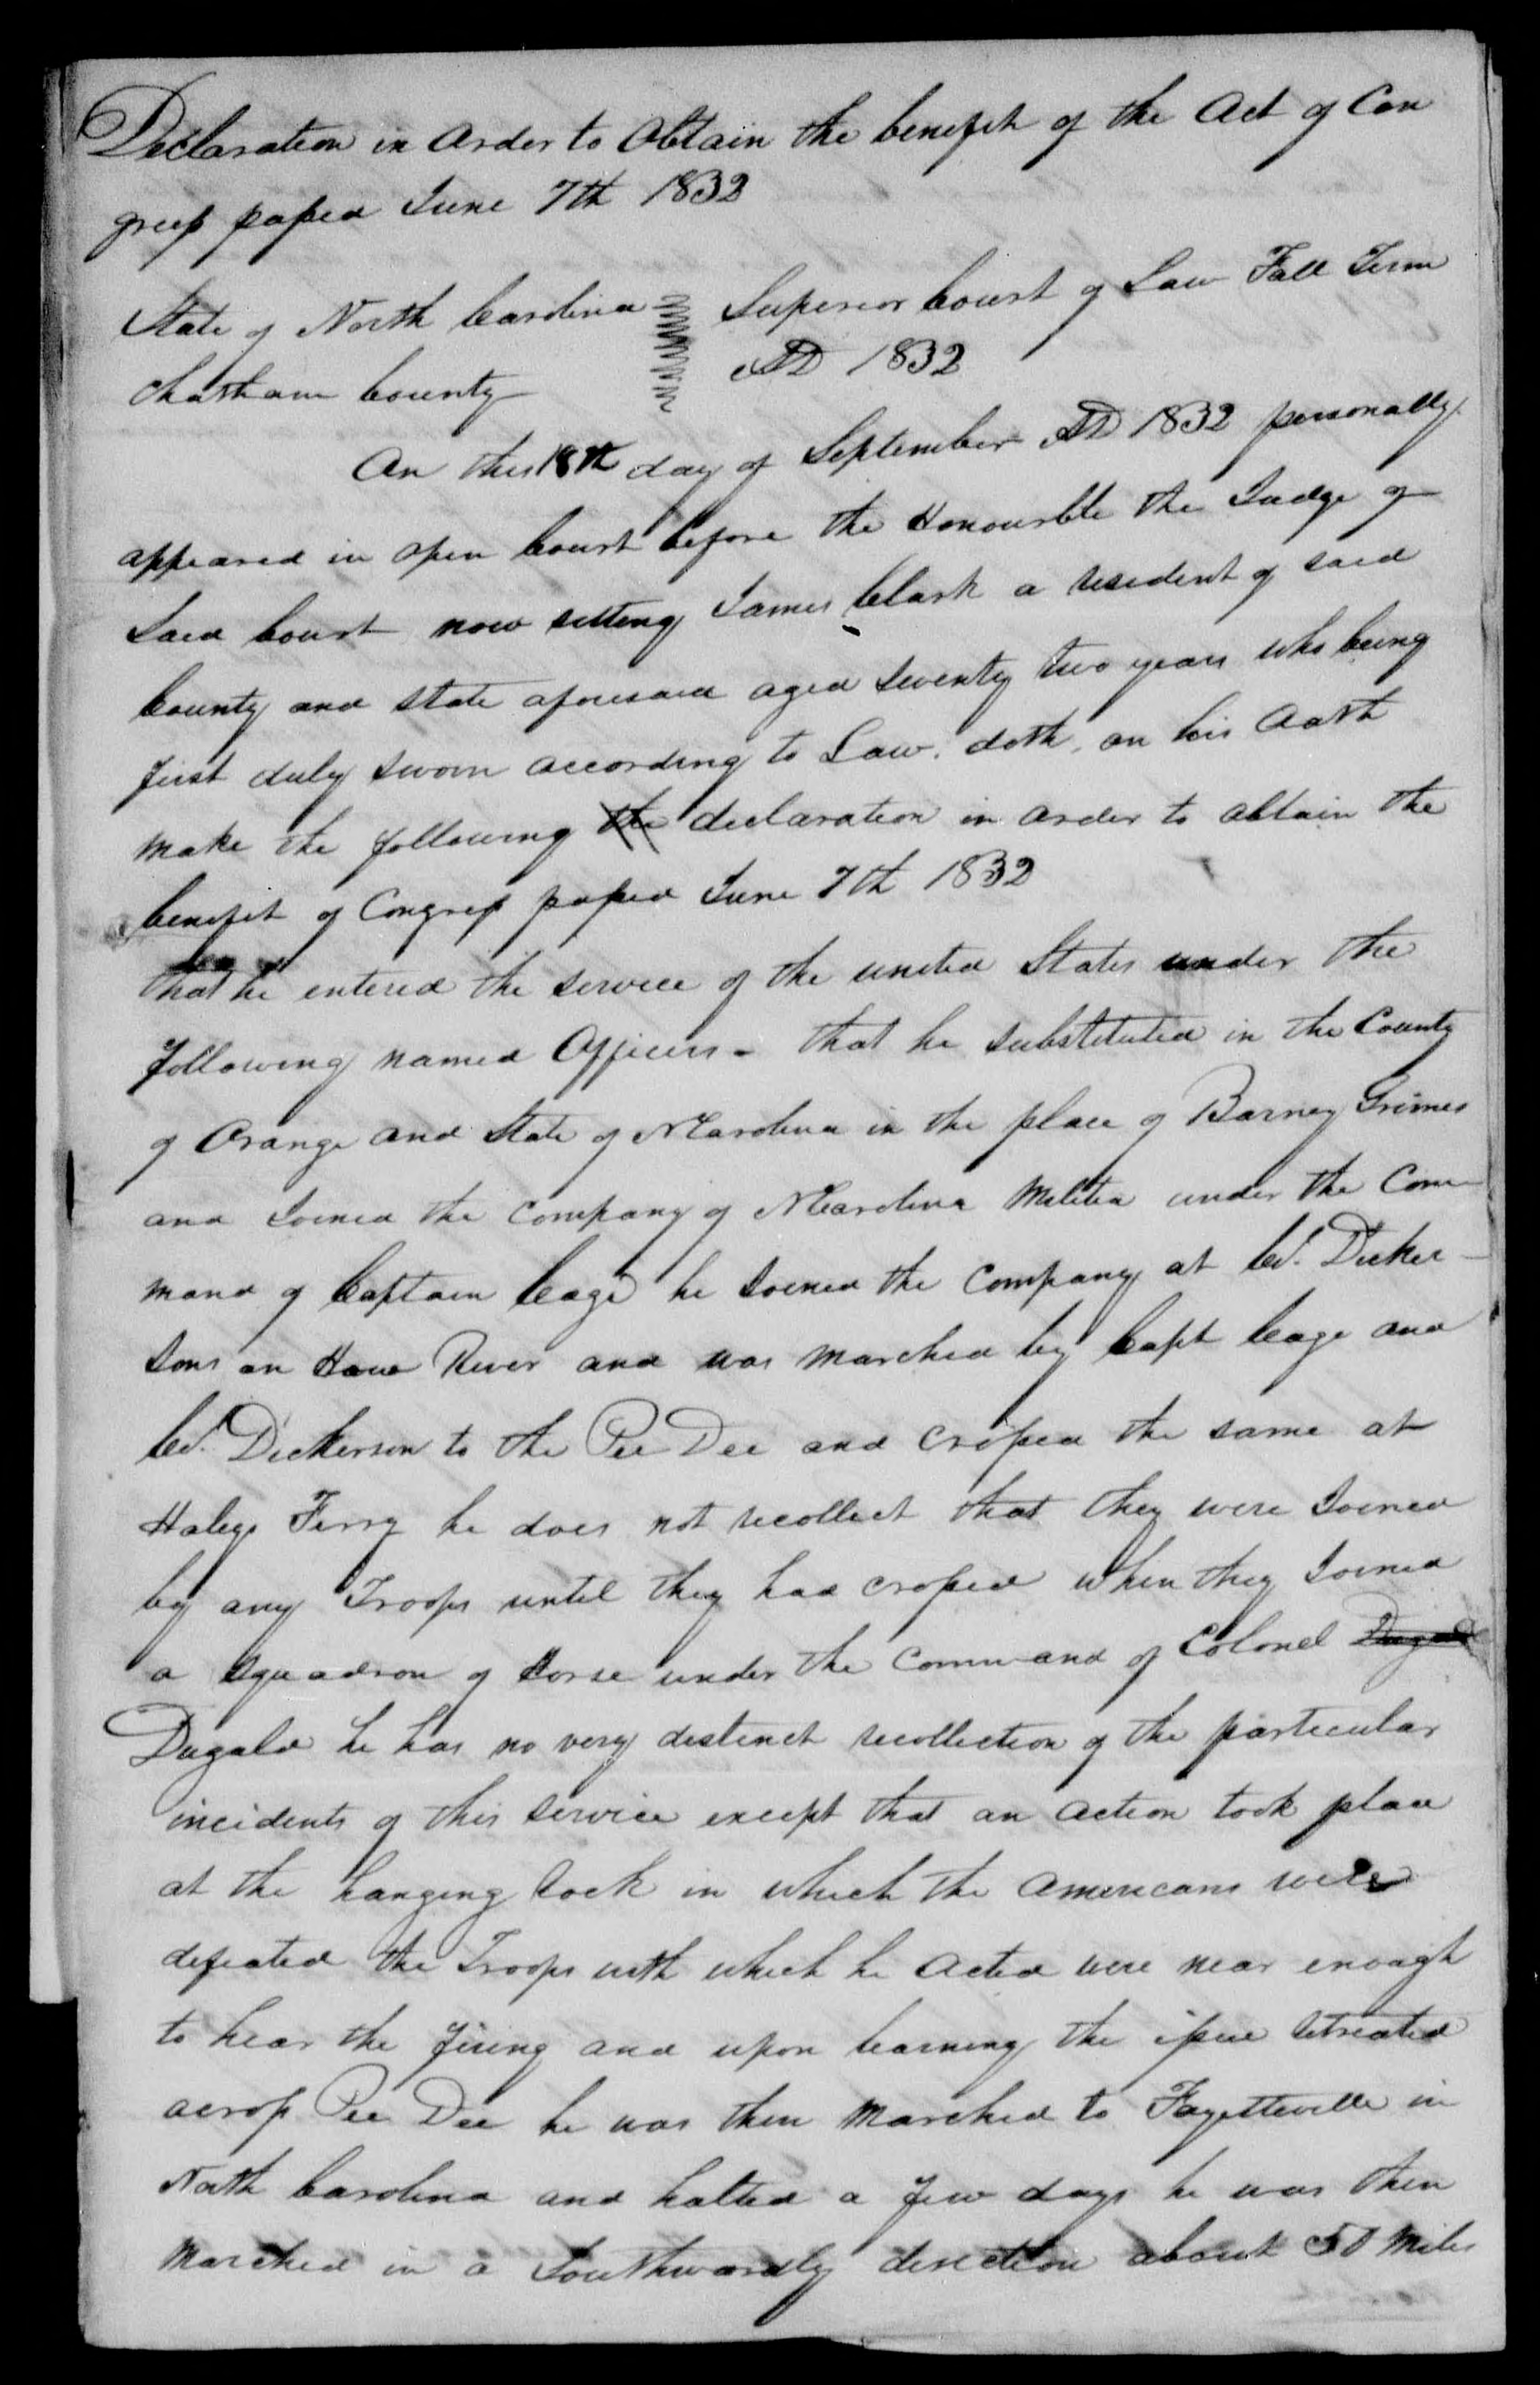Declaration in order to obtain the benefit of the Act of Congress 
passed June 7th1832

State of North Carolina 
 Chatham County} 
Superior Court of Law Fall Term
AD 1832

On this 18th day of September AD 1832 personally
appeared in open Court before the Honourble the Judge of
Said Court now sitting James Clark a resident of said
County and State aforesaid aged Seventy two years who being
just duly sworn according to Law, doth, on his Oath
make the following [cross-out: the] declaration in order to obtain the
benefit of congress passed June 7th 1832
that he entered the service of the United States under the
following named Officers - that he substituted in the County
of Orange and State of N Carolina in the place of Barney Grimes
and joined the company of N Carolina Militia under the 
command of Captain Leage he Joined the company at Sec' Dickersons 
on Haw River and was marched by Capt Leage and
Sec' Dickerson to the Pee Dee and crossed the same at
Haleys Ferry he does not recollect that they were joined
by any Troops until they had crossed when they joined
a Squadron of Horse under the command of Colonel [Cross-out Dugel]
Dugald he has no very distinct recollection of the particular
incidents of this service except that an action took place
at the hanging Rock in which the Americans well
defeated the Troops with which he Acted were near enough
to hear the firing and upon learning the issue retreated
across Pee Dee he was then marched to Fayetteville in
North Carolina and halted a few days he was then
Marched in a Southwardly direction about 50 miles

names: Cage, Dickerson, Dickersons, James Clark, Cage, Dugalo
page: 4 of 16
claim: survivor's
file: S. 8207, James Clark, N.C.